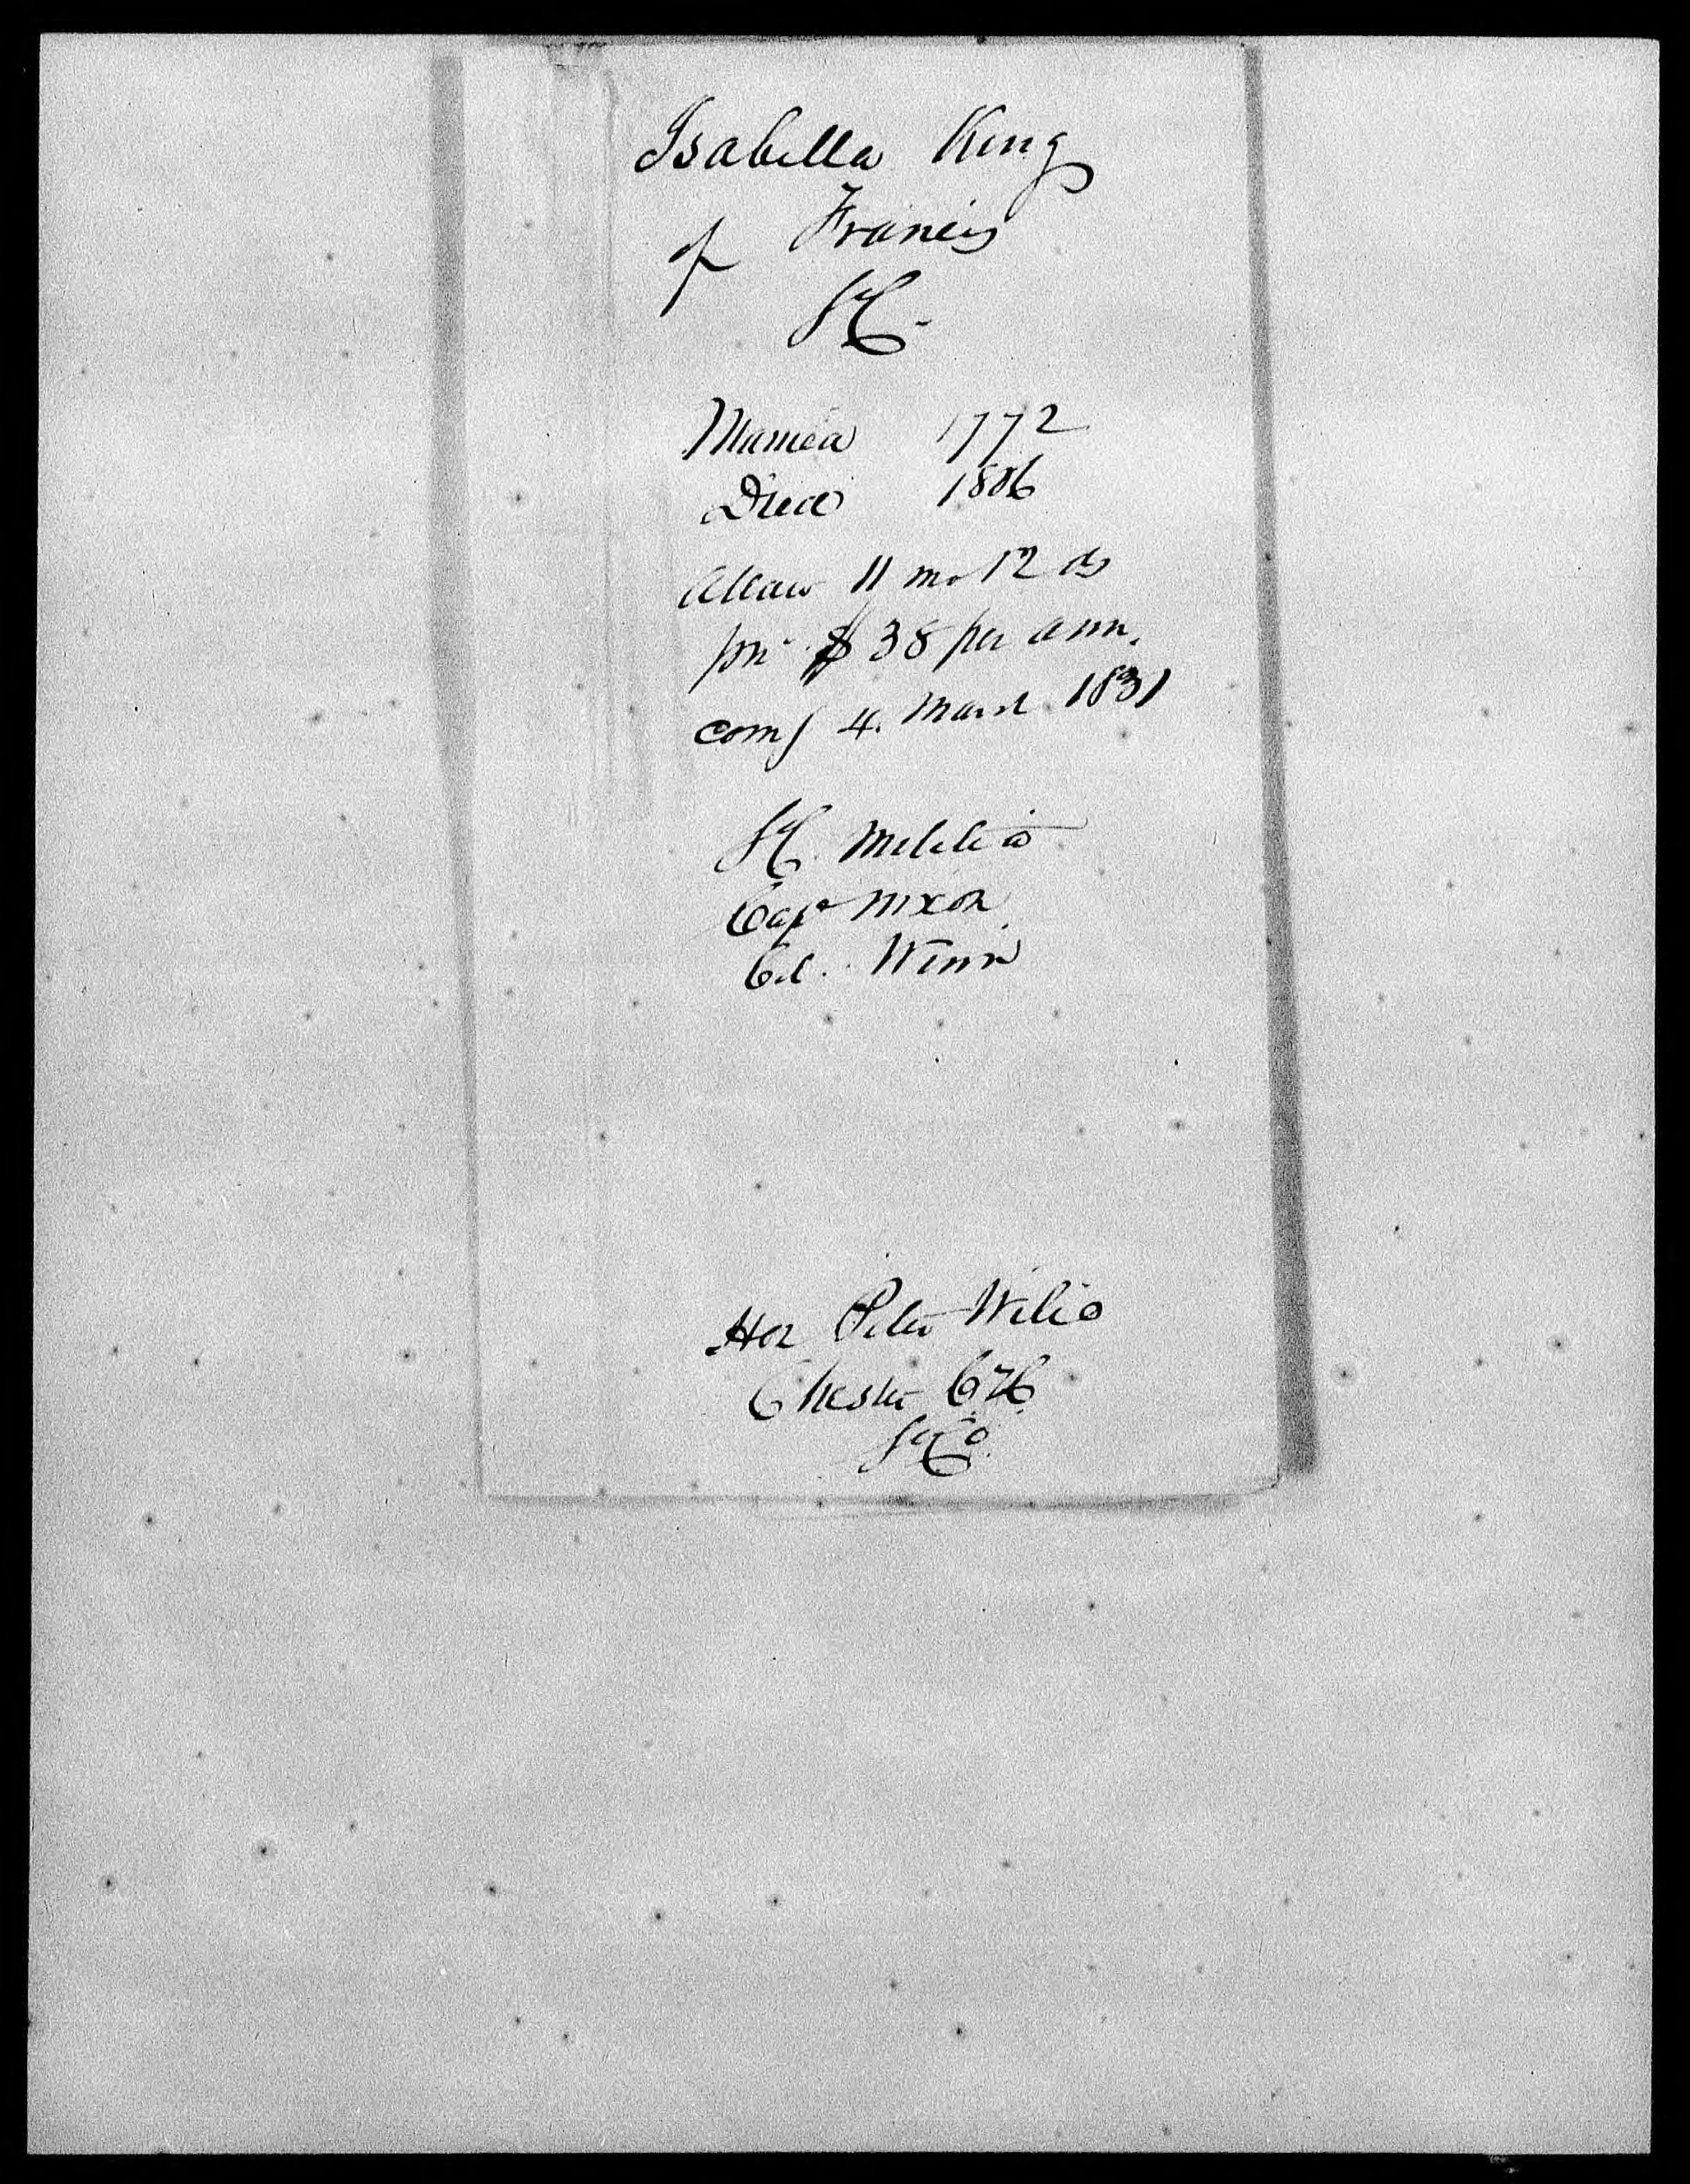Isabella King
of Francis 
SC

Married 1772
Died 1806

Allow 11 mos 12 dy
pri $38 per ann.
com 4. March 1831

SC Militia
Capt Nixon
Col. Winn

Hon Peter Wilie
Chester C.H,
SoCo.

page: 3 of 10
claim: widow's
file: W. 21523, for Francis King, South Carolina